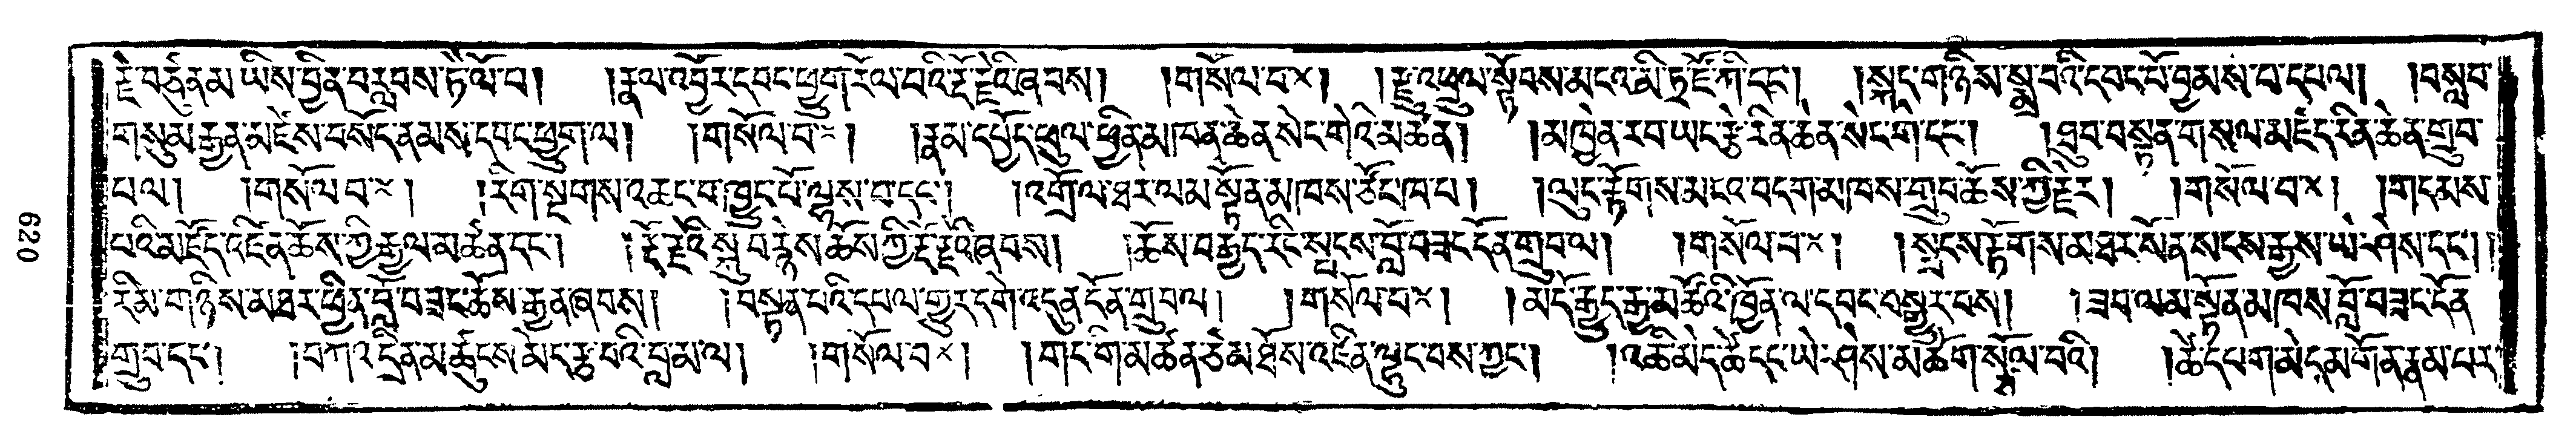རྗེ་བཙུན་མ་ཡིས་བྱིན་བརླབས་ཏཻ་ལོ་པ། །རྣལ་འབྱོར་དབང་ཕྱུག་རོལ་པའི་རྡོ་རྗེའི་ཞབས། །གསོལ་བ་྾། །རྫུ་འཕྲུལ་སྟོབས་མངའ་མི་ཏྲ་ཛོ་ཀི་དང་། །སྐད་གཉིས་སྨྲ་བའི་དབང་པོ་བྱམས་པ་དཔལ། །བསླབ་
གསུམ་རྒྱན་མཛེས་བསོད་ནམས་དབང་ཕྱུག་ལ། །གསོལ་བ། །རྣམ་དཔྱོད་ཕུལ་ཕྱིན་མཁན་ཆེན་སེང་གེའི་མཚན། །མཁྱེན་རབ་ཡང་རྩེ་རིན་ཆེན་སེང་གེ་དང་། །ཐུབ་བསྟན་གསལ་མཛད་རིན་ཆེན་གྲུབ་
པ་ལ། །གསོལ་བ་྾། །རིག་སྔགས་འཆང་བ་ཁྱུང་པོ་ལྷས་བ་དང་། །འགྲོ་ལ་ཐར་ལམ་སྟོན་མཁས་ཙོང་ཁ་པ། །ལུང་རྟོགས་མངའ་བདག་མཁས་གྲུབ་ཆོས་ཀྱི་རྗེར། །གསོལ་བ་྾། །གདམས་
པའི་མཛོད་འཛིན་ཆོས་ཀྱི་རྒྱལ་མཚན་དང་། །རྡོ་རྗེའི་སྐུ་བརྙེས་ཆོས་ཀྱི་རྡོ་རྗེའི་ཞབས། །ཆོས་བརྒྱད་རིང་སྤངས་བློ་བཟང་དོན་གྲུབ་ལ། །གསོལ་བ་྾། །སྤངས་རྟོགས་མཐར་སོན་སངས་རྒྱས་ཡེ་ཤེས་དང་། །
རིམ་གཉིས་མཐར་ཕྱིན་བློ་བཟང་ཆོས་རྒྱན་ཞབས། །བསྟན་པའི་དཔལ་གྱུར་དགེ་འདུན་དོན་གྲུབ་ལ། །གསོལ་བ་྾། །མདོ་རྒྱུད་རྒྱ་མཚོའི་ཁྱོན་ལ་དབང་བསྒྱུར་བས། །ཟབ་ལམ་སྟོན་མཁས་བློ་བཟང་དོན་
གྲུབ་དང་། །བཀའ་དྲིན་མཚུངས་མེད་རྩ་བའི་བླ་མ་ལ། །གསོལ་བ་྾། །གང་གི་མཚན་ཅེམ་ཐོས་འཛིན་ལྷུང་བས་ཀྱང་། །འཆི་མེད་ཚེ་དང་ཡེ་ཤེས་མཆོག་སྩོལ་བའི། །ཚེ་དཔག་མེད་མགོན་རྣམ་པར་